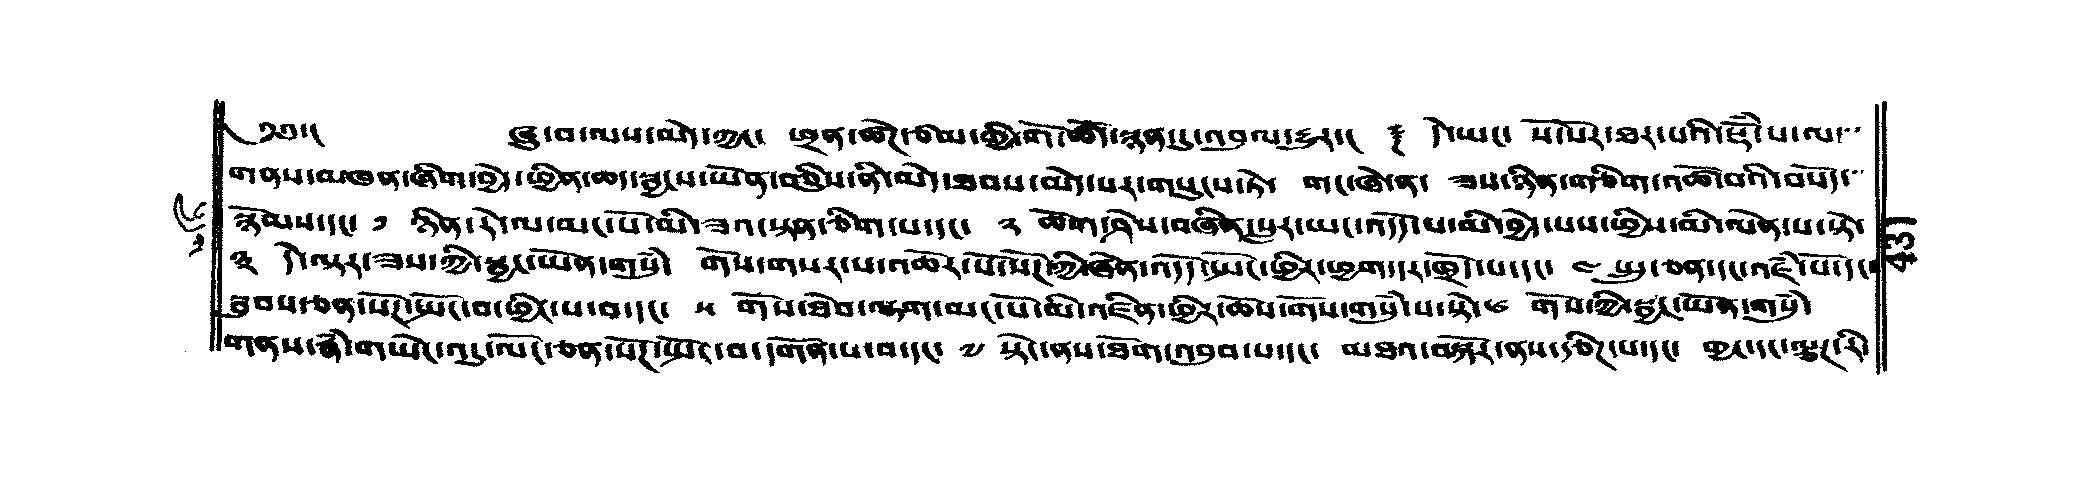ཞུ་བ་ལས་མེད་ཀྱང་། ཕྲན་ཚེགས་ཙམ་གྱི་གོ་ཚོད་སྙན་དུ་འབུལ་རྒྱུར། དེ་ཡང་སོ་སོར་ཐར་པའི་སྡོམ་པ་ལ་
གནས་མཁན་ཞིག་བྱེད་ཕྱིན་ཆད་སྦྱངས་ཡོན་བཅུ་གཉིས་ནི་མེད་ཐབས་མེད་པར་གསུངས་ཏེ། གང་ཞེ་ན། ཟས་ཉིན་གཅིག་འཚོ་བའི་བསོད་
སྙོམས་དང་། ཉིན་རེ་ལ་མང་པོ་མི་ཟ་བ་སྟན་ཅིག་པ་དང་། ཆོག་ཤེས་བཞིན་སླར་ཡང་འདོད་པ་མི་བྱེད་པས་ཕྱིས་མི་ལེན་པ་སྟེ། 
དེ་ལྟར་ཟས་ཀྱི་སྦྱངས་ཡོན་གསུམ། གོས་གསར་པ་འཆོར་པོ་སོགས་ཀྱི་ཞེན་འདོད་སྤོང་ཕྱིར་ཕྱག་དར་ཁྲོད་པ་དང་། སྤུ་ཅན་དང་འཇམ་པོ་དང་
སྦུབས་ཅན་སོགས་སྤོང་བ་ཕྱིང་པ་བ་དང་། གོས་ཐེབ་ལྷག་མང་པོ་མི་འཛིན་ཕྱིར་ཆོས་གོས་གསུམ་པ་སྟེ། གོས་ཀྱི་སྦྱངས་ཡོན་གསུམ། 
གནས་རྣམ་གཡེང་འདུ་ལོང་ཅན་སོགས་སྤོང་བ་དགོན་པ་དང་། སྟེང་ནས་ཐོག་འབུབ་པ་དང་། མཐའ་བསྐོར་ནས་རྩིགས་པ་དང་། གྱང་དང་ལྕགས་རི་